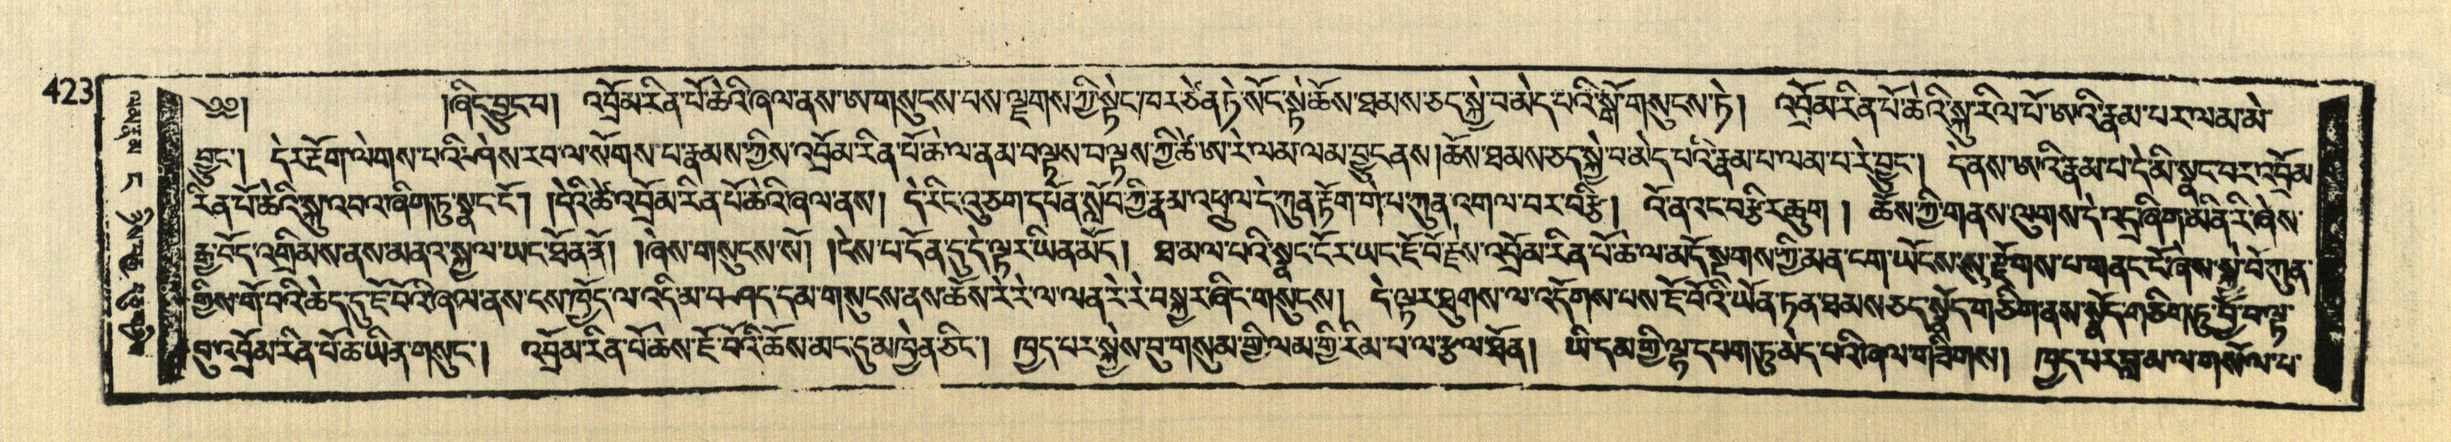༄༅། །ཞིང་བྱུང་བ། འབྲོམ་རིན་པོ་ཆེའི་ཞལ་ནས་ཨ་གསུངས་པས་ལྗགས་ཀྱི་སྟེང་ཁར་ཙེན་ཏེ་སོང་སྟེ་ཆོས་ཐམས་ཅད་སྐྱེ་བ་མེད་པའི་སྒོ་གསུངས་ཏེ། འབྲོམ་རིན་པོ་ཆེའི་སྐུ་རིལ་པོ་ཨཱི་རྣམ་པར་ལམ་མེ་
བྱུང་། དེར་རྔོག་ལེགས་པའི་ཤེས་རབ་ལ་སོགས་པ་རྣམས་ཀྱིས་འབྲོམ་རིན་པོ་ཆེ་ལ་ནམ་བལྟས་བལྟས་ཀྱི་ཚེ་ཨ་རེ་ལམ་ལམ་བྱུང་ནས། ཆོས་ཐམས་ཅད་སྐྱེ་བ་མེད་པའི་རྣམ་པ་ལམ་པ་རེ་བྱུང་། དེ་ནས་ཨཱི་རྣམ་པ་དེ་མི་སྣང་བར་འབྲོམ་
རིན་པོ་ཆེའི་སྐུ་འབའ་ཞིག་ཏུ་སྣང་ངོ། །དེའི་ཚེ་འབྲོམ་རིན་པོ་ཆེའི་ཞལ་ནས། དེ་རིང་འུ་ཅག་དཔོན་སློབ་ཀྱི་རྣམ་འཕྲུལ་དེ་ཀུན་རྟོག་གེ་པ་ཀུན་འགལ་བར་བརྩི། འོ་ནའང་བརྩིར་ཆུག། ཆོས་ཀྱི་གནས་ལུགས་དེ་འདྲ་ཞིག་མིན་རི་ཞེས་
རྒྱ་བོད་འགྲིམས་ནས་མནའ་སྐྱལ་ཡང་ཐོན་ནོ། །ཞེས་གསུངས་སོ། །ངེས་པ་དོན་དུ་དེ་ལྟར་ཡིན་མོད། ཐ་མལ་པའི་སྣང་ངོར་ཡང་ཇོ་བོ་རྗེས་འབྲོམ་རིན་པོ་ཆེ་ལ་མདོ་སྔགས་ཀྱི་མན་ངག་ཡོངས་སུ་རྫོགས་པ་གནང་ངོ་ཞེས་སྐྱེ་བོ་ཀུན་
གྱིས་གོ་བའི་ཆེད་དུ་ཇོ་བོའི་ཞལ་ནས་ངས་ཁྱོད་ལ་འདི་མ་བཤད་ངམ་གསུངས་ནས་ཆོས་རེ་རེ་ལ་ལན་རེ་རེ་བསྐྱར་ཞིང་གསུངས། དེ་ལྟར་ཐུགས་ལ་འདོགས་པས་ཇོ་བོའི་ཡོན་ཏན་ཐམས་ཅད་སྣོད་གཅིག་ནས་སྣོད་གཅིག་ཏུ་བྱོ་བལྟ་
བུ་འབྲོམ་རིན་པོ་ཆེ་ཡིན་གསུང་། འབྲོམ་རིན་པོ་ཆེས་ཇོ་བོའི་ཆོས་མང་དུ་མཁྱེན་ཅིང་། ཁྱད་པར་སྐྱེས་བུ་གསུམ་གྱི་ལམ་གྱི་རིམ་པ་ལ་རྩལ་ཐོན། ཡི་དམ་གྱི་ལྷ་དཔག་ཏུ་མེད་པའི་ཞལ་གཟིགས། ཁྱད་པར་བླ་མ་ལ་གསོལ་པ་